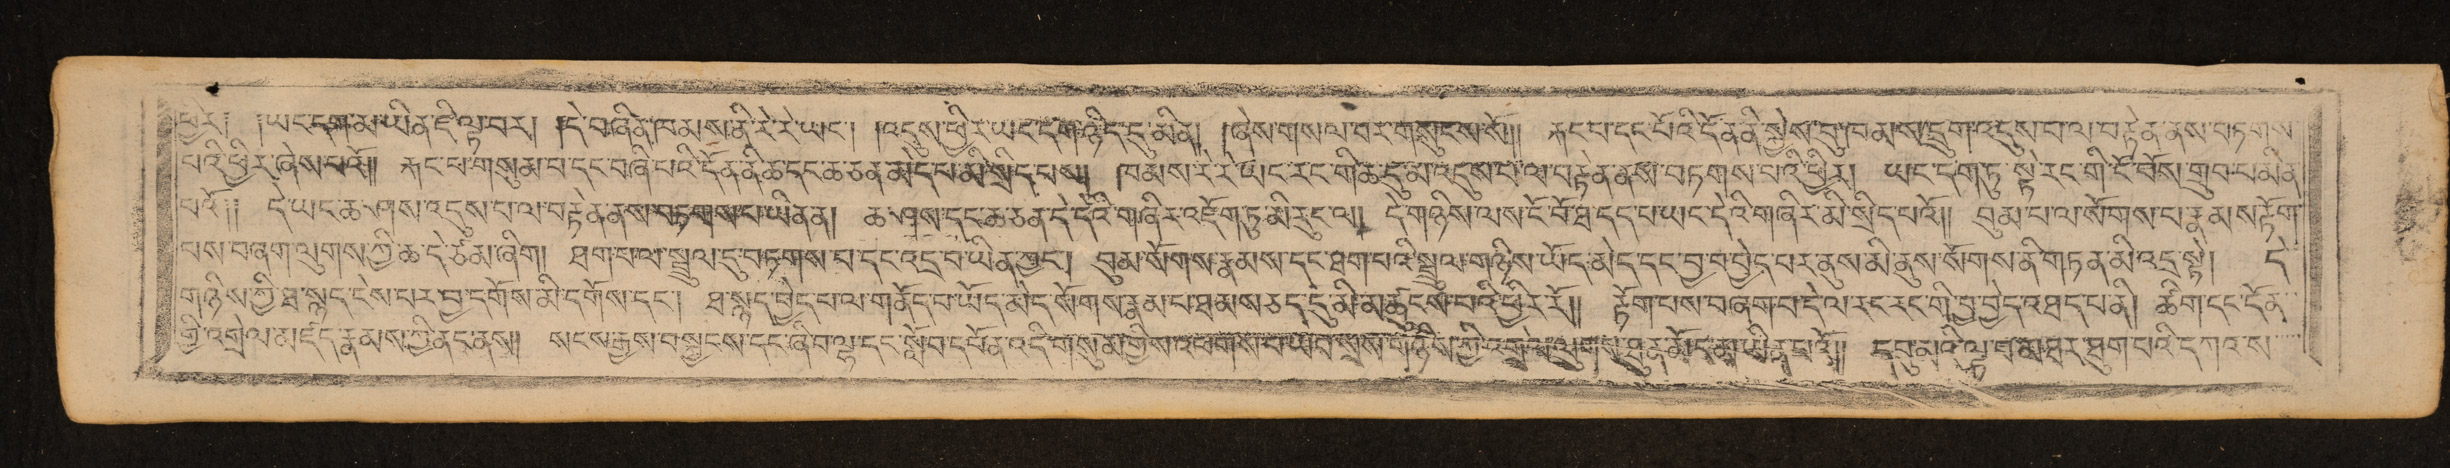ཕྱིར། །ཡང་དག་མ་ཡིན་ཇི་ལྟ་བར། །དེ་བཞིན་ཁམས་ནི་རེ་རེ་ཡང་། །འདུས་ཕྱིར་ཡང་དག་ཉིད་དུ་མིན། །ཞེས་གསལ་བར་གསུངས་སོ།། རྐང་པ་དང་པོའི་དོན་ནི་སྐྱེས་བུ་ཁམས་དྲུག་འདུས་པ་ལ་བརྟེན་ནས་བཏགས་
པའི་ཕྱིར་ཞེས་པའོ།། རྐང་པ་གསུམ་པ་དང་བཞི་པའི་དོན་ནི་ཆ་དང་ཆ་ཅན་མེད་པ་མི་སྲིད་པས། ཁམས་རེ་རེ་ཡང་རང་གི་ཆ་དུ་མ་འདུས་པ་ལ་བརྟེན་ནས་བཏགས་པའི་ཕྱིར། ཡང་དག་ཏུ་སྟེ་རང་གི་ངོ་བོས་གྲུབ་པ་མིན་
པའོ།། དེ་ཡང་ཆ་ཤས་འདུས་པ་ལ་བརྟེན་ནས་བཏགས་པ་ཡིན་ན། ཆ་ཤས་དང་ཆ་ཅན་དེ་དེའི་གཞིར་འཇོག་ཏུ་མི་རུང་ལ། དེ་གཉིས་ལས་ངོ་བོ་ཐ་དད་པ་ཡང་དེའི་གཞིར་མི་སྲིད་པའོ།། བུམ་པ་ལ་སོགས་པ་རྣམས་རྟོག་
པས་བཞག་ལུགས་ཀྱི་ཆ་དེ་ཙམ་ཞིག། ཐག་པ་ལ་སྦྲུལ་དུ་བཏགས་པ་དང་འདྲ་བ་ཡིན་ཀྱང་། བུམ་སོགས་རྣམས་དང་ཐག་པའི་སྦྲུལ་གཉིས་ཡོད་མེད་དང་བྱ་བ་བྱེད་པར་ནུས་མི་ནུས་སོགས་ནི་གཏན་མི་འདྲ་སྟེ། དེ་
གཉིས་ཀྱི་ཐ་སྙད་ངེས་པར་བྱ་དགོས་མི་དགོས་དང་། ཐ་སྙད་བྱེད་པ་ལ་གནོད་པ་ཡོད་མེད་སོགས་རྣམ་པ་ཐམས་ཅད་དུ་མི་མཚུངས་པའི་ཕྱིར་རོ།། རྟོག་པས་བཞག་པ་དེ་ལ་རང་རང་གི་བྱ་བྱེད་འཐད་པ་ནི། ཚིག་དང་དོན་
གྱི་འགྲེལ་མཛད་རྣམས་ཀྱི་ནང་ནས། སངས་རྒྱས་བསྐྱངས་དང་ཞི་བ་ལྷ་དང་སློབ་དཔོན་འདི་གསུམ་གྱིས་འཕགས་པ་ཡབ་སྲས་གཉིས་ཀྱི་འགྲེལ་ལུགས་ཐུན་མོང་མ་ཡིན་པའོ།། དབུ་མའི་ལྟ་བ་མཐར་ཐུག་པའི་དཀའ་ས་